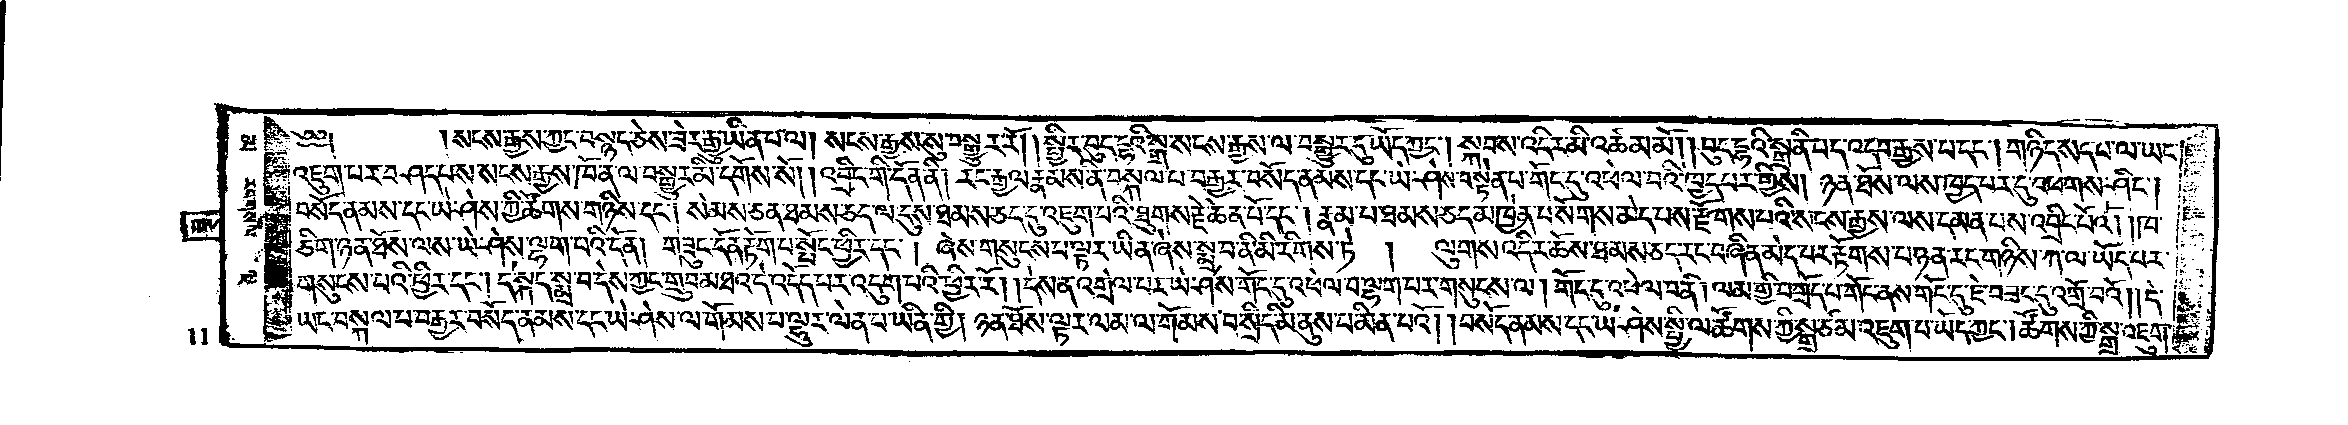༄༅། །སངས་རྒྱས་ཀྱང་བསྙད་ཅེས་ཟེར་རྒྱུ་ཡིན་པ་ལ། སངས་རྒྱས་སུ་བསྒྱུར་རོ། །སྤྱིར་བུད་དྷའི་སྒྲ་སངས་རྒྱས་ལ་བསྒྱུར་དུ་ཡོད་ཀྱང་། སྐབས་འདིར་མི་འཚམ་མོ། །བུད་དྷའི་སྒྲ་ནི་པད་འདབ་རྒྱས་པ་དང་། གཉིད་སད་པ་ལ་ཡང་
འཇུག་པར་བཤད་པས་སངས་རྒྱས་ཁོ་ན་ལ་བསྒྱུར་མི་དགོས་སོ། །འབྲིང་གི་དོན་ནི། རང་རྒྱལ་རྣམས་ནི་བསྐལ་པ་བརྒྱར་བསོད་ནམས་དང་ཡེ་ཤེས་བསྟེན་པ་གོང་དུ་འཕེལ་བའི་ཁྱད་པར་གྱིས། ཉན་ཐོས་ལས་ཁྱད་པར་དུ་འཕགས་ཤིང་།
བསོད་ནམས་དང་ཡེ་ཤེས་ཀྱི་ཚོགས་གཉིས་དང་། སེམས་ཅན་ཐམས་ཅད་ལ་དུས་ཐམས་ཅད་དུ་འཇུག་པའི་ཐུགས་རྗེ་ཆེན་པོ་དང་། རྣམ་པ་ཐམས་ཅད་མཁྱེན་པ་སོགས་མེད་པས་རྫོགས་པའི་སངས་རྒྱས་ལས་དམན་པས་འབྲིང་པོའོ། །ཁ་
ཅིག་ཉན་ཐོས་ལས་ཡེ་ཤེས་ལྷག་པའི་དོན། གཟུང་དོན་རྟོག་པ་སྤོང་ཕྱིར་དང་། ཞེས་གསུངས་པ་ལྟར་ཡིན་ཞེས་སྨྲ་བ་ནི་མི་རིགས་ཏེ། ལུགས་འདིར་ཆོས་ཐམས་ཅད་རང་བཞིན་མེད་པར་རྟོགས་པ་ཉན་རང་གཉིས་ཀ་ལ་ཡོད་པར་
གསུངས་པའི་ཕྱིར་དང་། དེ་སྐད་སྨྲ་བ་དེས་ཀྱང་གྲུབ་མཐའ་དེ་འདོད་པར་འདུག་པའི་ཕྱིར་རོ། །དེས་ན་འགྲེལ་པར་ཡེ་ཤེས་གོང་དུ་འཕེལ་བ་ལྷག་པར་གསུངས་ལ། གོང་དུ་འཕེལ་བ་ནི། ལམ་གྱི་བགྲོད་པ་གོང་ནས་གོང་དུ་ཇེ་བཟང་དུ་འགྲོ་བའོ། །དེ་
ཡང་བསྐལ་པ་བརྒྱར་བསོད་ནམས་དང་ཡེ་ཤེས་ལ་གོམས་པ་ལྷུར་ལེན་པ་ཡིན་གྱི། ཉན་ཐོས་ལྔར་ལམ་ལ་གོམས་པ་སྲིད་མི་ནུས་པ་མིན་པའོ། །བསོད་ནམས་དང་ཡེ་ཤེས་སྤྱི་ལ་ཚེགས་ཀྱི་སྒྲ་ཙམ་འཇུག་པ་ཡོད་ཀྱང་། ཚོགས་ཀྱི་སྒྲ་འཇུག་